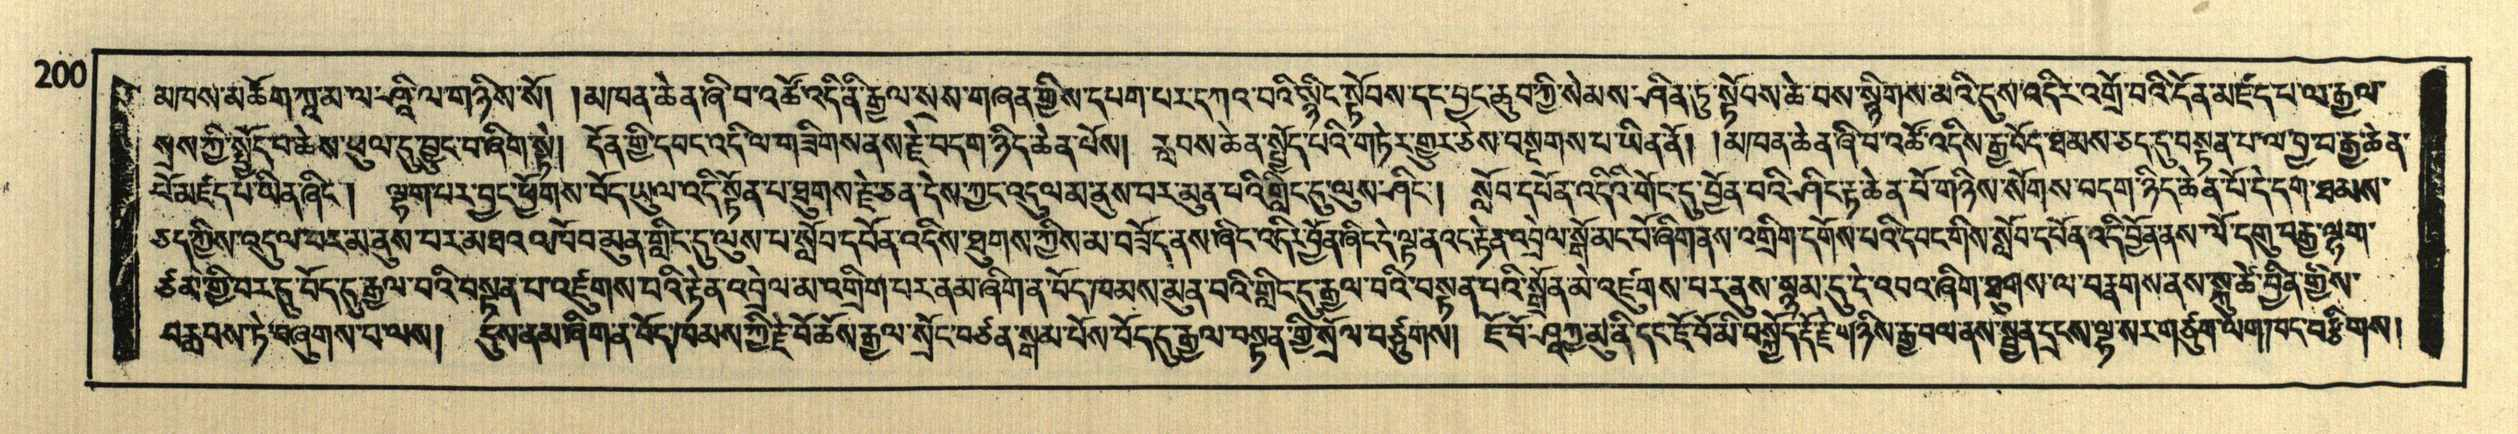མཁས་མཆོག་ཀཱ་མ་ལ་ཤཱི་ལ་གཉིས་སོ། །མཁན་ཆེན་ཞི་བ་འཚོ་འདི་ནི་རྒྱལ་སྲས་གཞན་གྱིས་དཔག་པར་དཀའ་བའི་སྙིང་སྟོབས་དང་བྱང་ཆུབ་ཀྱི་སེམས་ཤིན་ཏུ་སྟོབས་ཆེ་བས་སྙིགས་མའི་དུས་འདིར་འགྲོ་བའི་དོན་མཛད་པ་ལ་རྒྱལ་
སྲས་ཀྱི་སྤྱོད་པ་ཆེས་ཕུལ་དུ་བྱུང་བ་ཞིག་སྟེ། དོན་གྱི་དབང་འདི་ལ་གཟིགས་ནས་རྗེ་བདག་ཉིད་ཆེན་པོས། རླབས་ཆེན་སྤྱོད་པའི་གཏེར་གྱུར་ཅེས་བསྔགས་པ་ཡིན་ནོ། །མཁན་ཆེན་ཞི་བ་འཚོ་འདིས་རྒྱ་བོད་ཐམས་ཅད་དུ་བསྟན་པ་ལ་བྱ་བ་རྒྱ་ཆེན་
པོ་མཛད་པ་ཡིན་ཞིང་། ལྷག་པར་བྱང་ཕྱོགས་བོད་ཡུལ་འདི་སྟོན་པ་ཐུགས་རྗེ་ཅན་དེ་སྐྱང་འདུལ་མ་ནུས་བར་མུན་པའི་གླིང་དུ་ལུས་ཤིང་། སློབ་དཔོན་འདིའི་གོང་དུ་བྱོན་པའི་ཤིང་རྟ་ཆེན་པོ་གཉིས་སོགས་བདག་ཉིད་ཆེན་པོ་དེ་དག་ཐམས་
ཅད་ཀྱིས་འདུལ་བར་མ་ནུས་པར་མཐའ་འཁོབ་མུན་གླིང་དུ་ལུས་པ་སློབ་དཔོན་འདིས་ཐུགས་ཀྱིས་མ་བཟོད་ནས་ཞིང་འདིར་བྱོན་ཞིང་དེ་ལྟ་ནའང་རྟེན་འབྲེལ་སྒོ་མང་པོ་ཞིག་ནས་འགྲིག་དགོས་པའི་དབང་གིས་སློབ་དཔོན་འདི་བྱོན་ནས་ལོ་དགུ་བརྒྱ་ལྷག་
ཙམ་གྱི་བར་དུ་བོད་དུ་རྒྱལ་བའི་བསྟན་པ་འཛུགས་པའི་རྟེན་འབྲེལ་མ་འགྲིག་པར་ནམ་ཞིག་ན་བོད་ཁམས་མུན་བའི་གླིང་དུ་རྒྱལ་བའི་བསྟན་པའི་སྒྲོན་མེ་འཛུགས་པར་ནུས་སྙམ་དུ་དེ་འབའ་ཞིག་ཐུགས་ལ་བརྣགས་ནས་སྐུ་ཚེ་བྱིན་གྱིས་
བརླབས་ཏེ་བཞུགས་པ་ལས། དུས་ནམ་ཞིག་ན་བོད་ཁམས་ཀྱི་རྗེ་བོ་ཆོས་རྒྱལ་སྲོང་བཙན་སྒམ་པོས་བོད་དུ་རྒྱལ་བསྟན་གྱི་སྲོལ་བཙུགས། ཇོ་བོ་ཤཱཀྱ་མུ་ནི་དང་ཇོ་བོ་མི་བསྐྱོད་རྡོ་རྗེ་གཉིས་རྒྱ་བལ་ནས་སྤྱན་དྲངས་ལྷ་སར་གཙུག་ལག་ཁང་བརྩིགས།